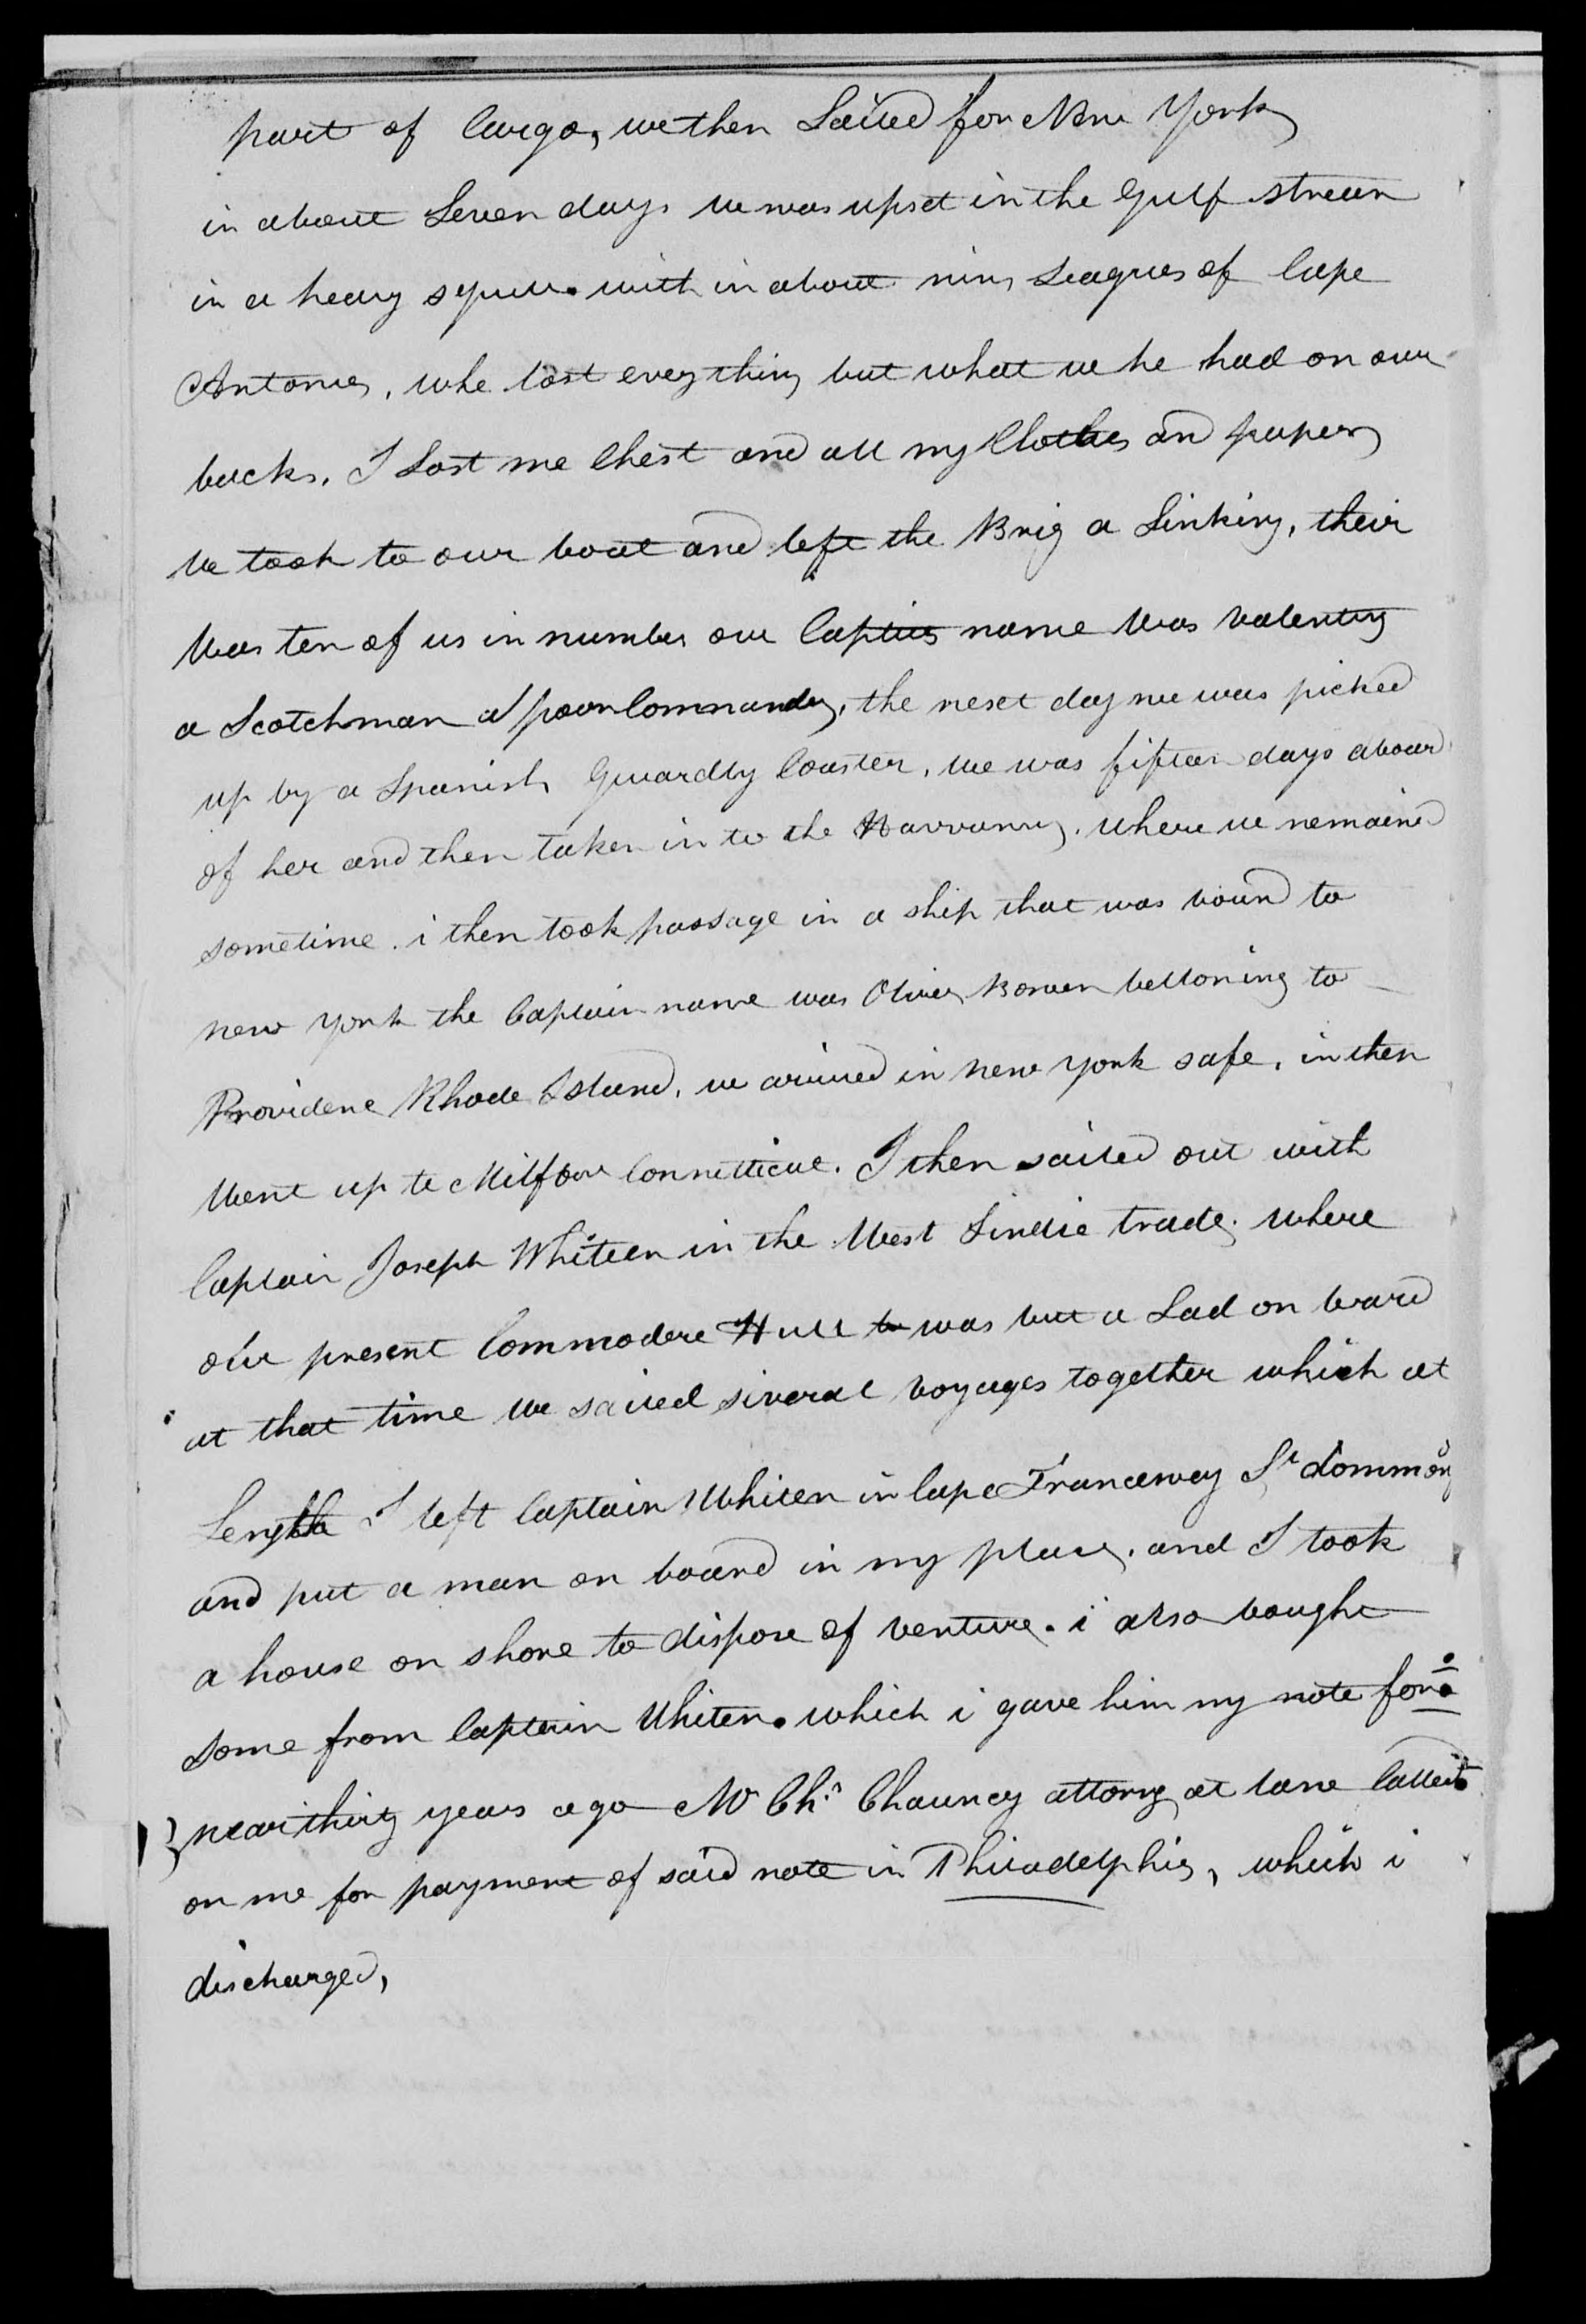Part of cargo. We then sailed for New York in about seven days. We went up in the gulf stream in a heavy storm within about ninety degrees of Cape Antonie. We lost everything, except for what we had on our backs. I lost my chest and all my clothes and papers. We took to our boat and left the brig, there were ten of us in number our Captain’s name was [Illegible]. The next day, we were picked up by a Spanish [coastal vessel], we [spent fifteen days aboard that ship] and then taken in, where we remained sometime. I then [went on board] a ship that was bound for New York. The captain, [Illegible], [was from] Providence, Rhode Island. We arrived in New York safe and then wen up to Wilford, Connecticut. I then sailed out with Captain Joseph Whiten in the West Service Trade, where our present Commodore Hull was a lad on board at that time. We sailed several voyages together [after] which I left Captain Whiten in Cape [Illegible], Santa Domingo and met a man on board in my place and I took a house on short to dispose of venture. I also bought some from Captain Whiten, which I gave him my note for nearly thirty years ago. [Illegible].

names: Whiten, Oliver Bowen, Joseph Whiteen, Whiten, Chr Chauncy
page: 43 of 51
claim: widow's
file: W 8939, George Hood, Continental Va.